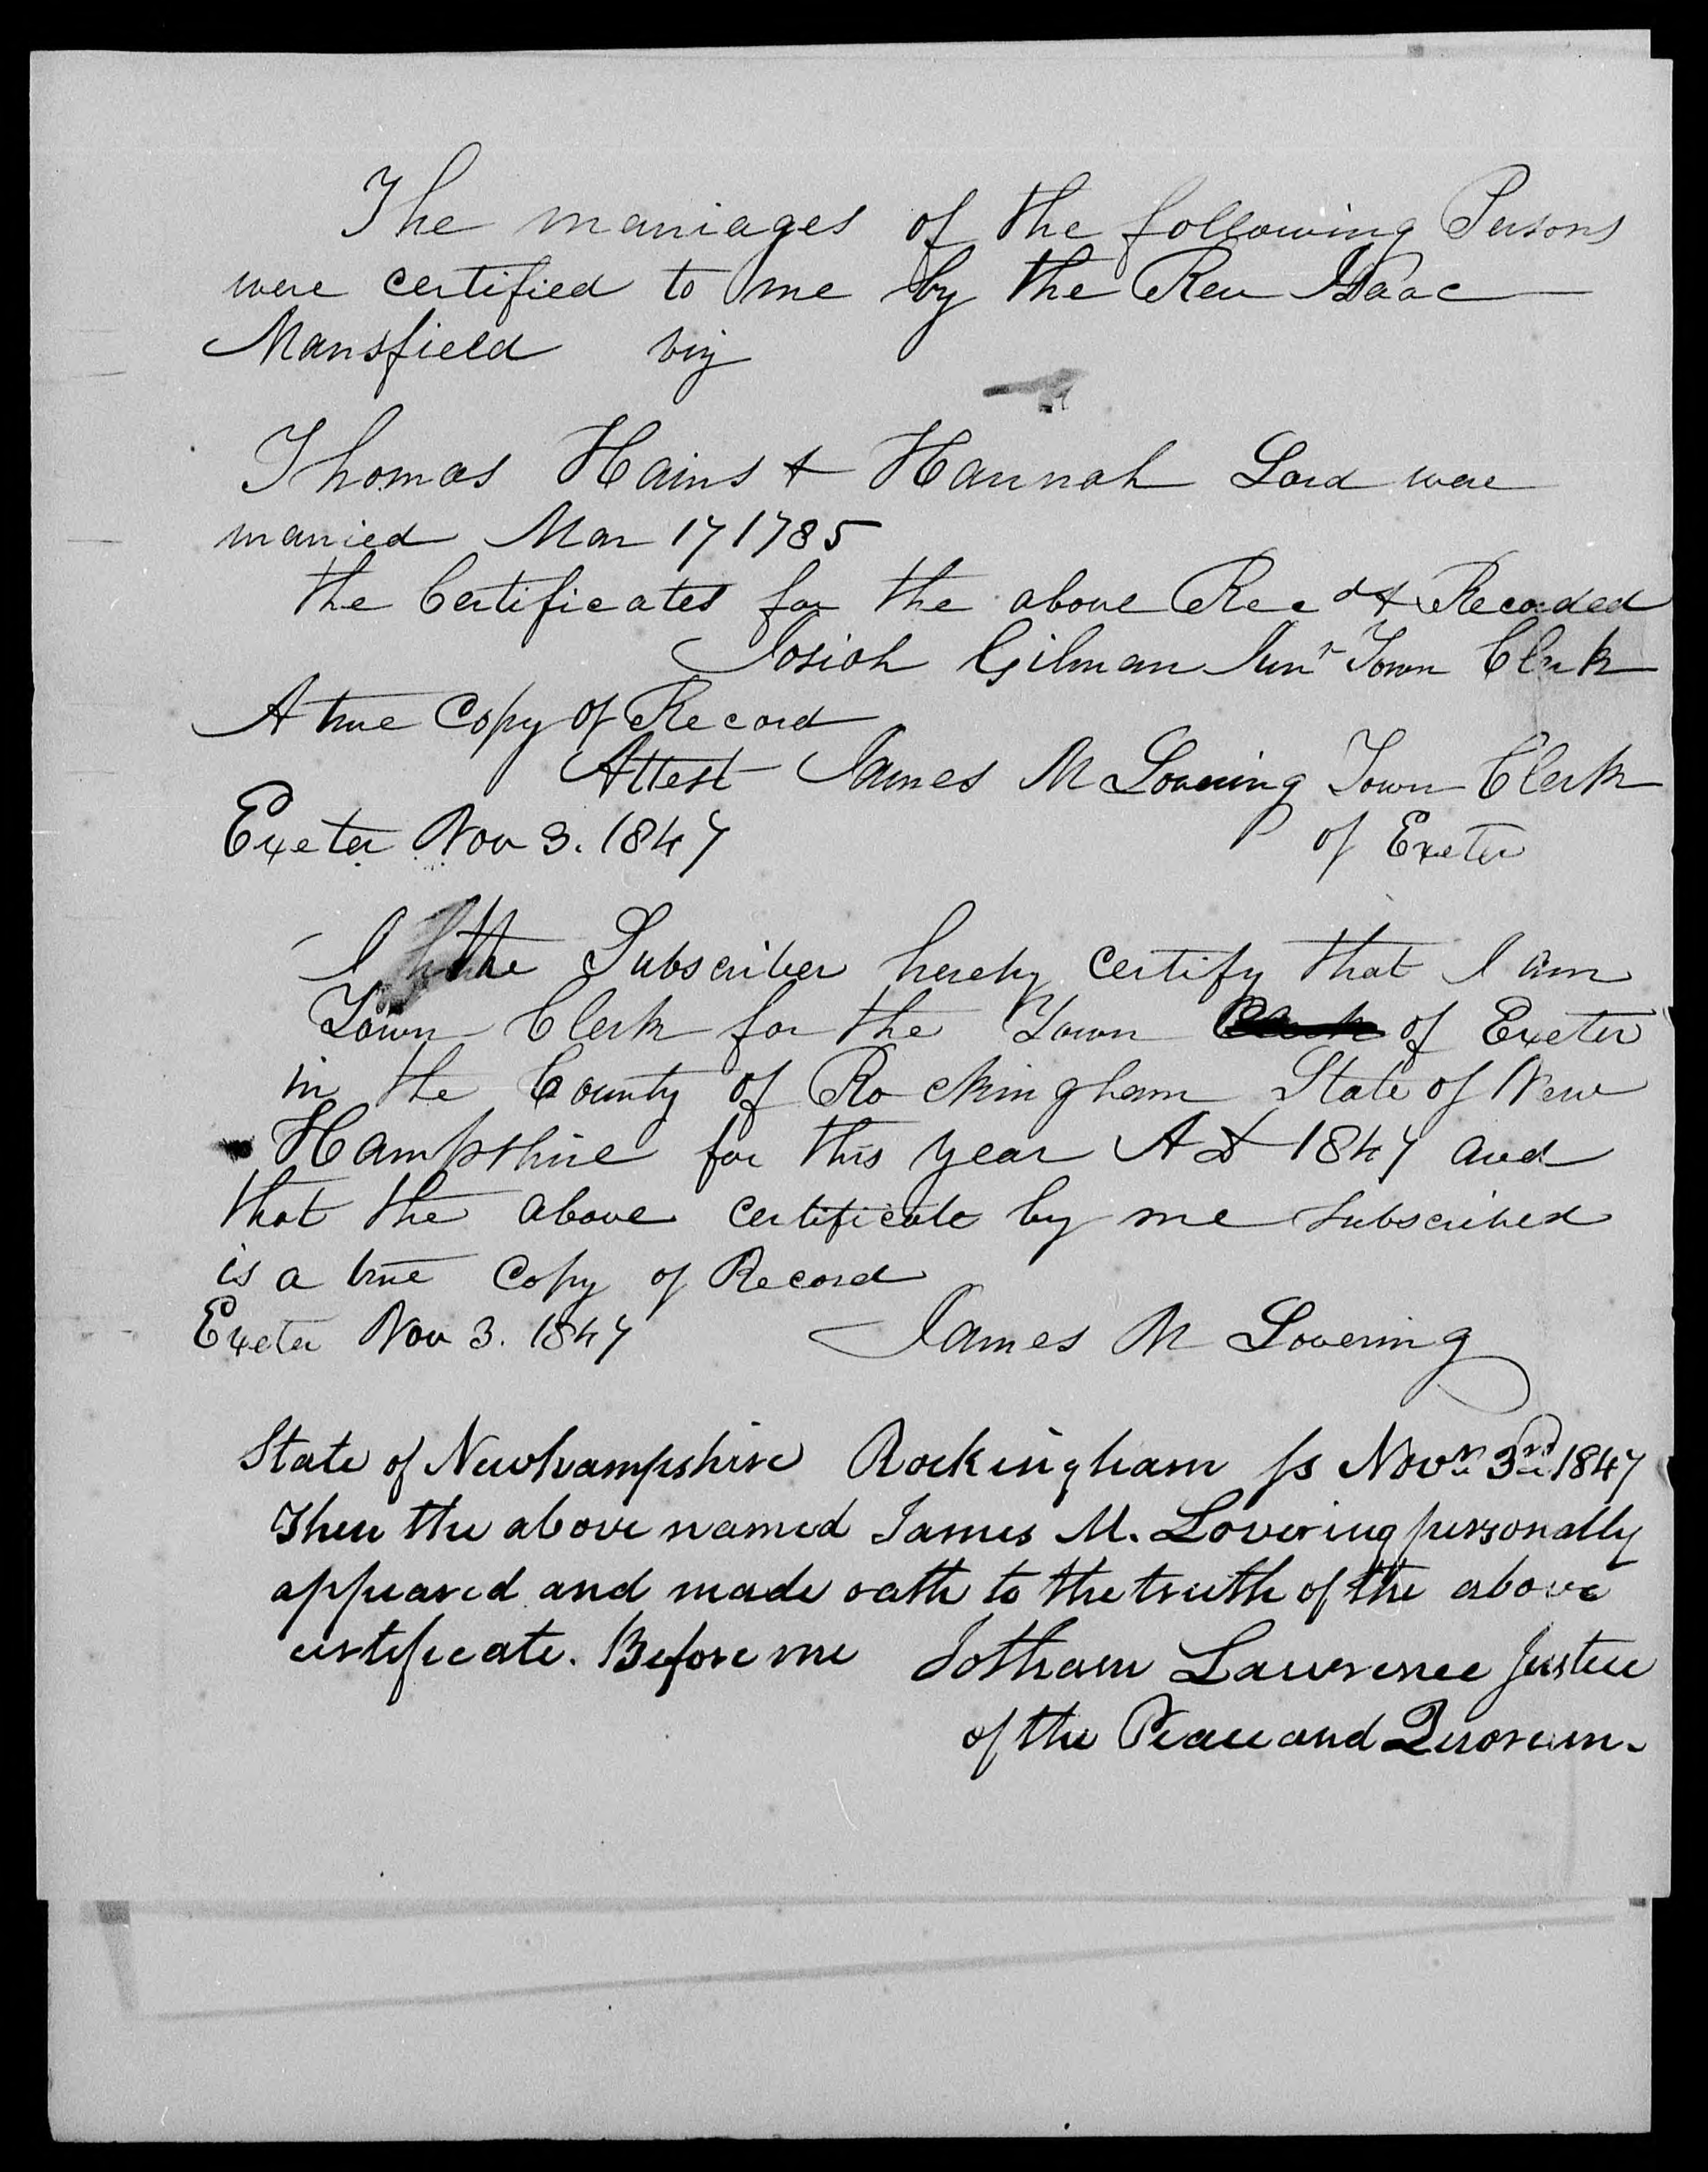The marriages of the following Persons were certified to me by the Rev Isaac Mansfield viz

Thomas Hains [sp] and Hannah Lord were married Mar 17 1785
The certificates for the above Recd & Recorded
Josiah Gilman Jun[io]r  Town Clerk

A true Copy of Record
Attest- James M Lovering Town Clerk of Exeter

I The Subscriber hereby certify that I am Town Clerk for the Town [crossed out] Clerk of Exeter in the County of Rockingham State of New Hampshire for this year AD 1847 and that the above certificate by me Subscribed is a true copy of Record
Exeter Nov 3, 1847
James M Lovering

State of Newhampshire [sp] Rockingham ss Nov[embe]r 3rd 1847 
There the above named James M Lovering personally appeared and made oath to the truth of the above certificate. Before me
Jotham Lawrence Justice
Of the Peace and Quorem-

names: James M Lovering, Jotham Lawrence, Josiah Gilman, Hannah Lord, Thomas Hains, Isaac Mansfield, James M Lovering, Jotham Lawrence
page: 17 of 57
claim: widow's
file: W. 23217, Thomas Haines, N H